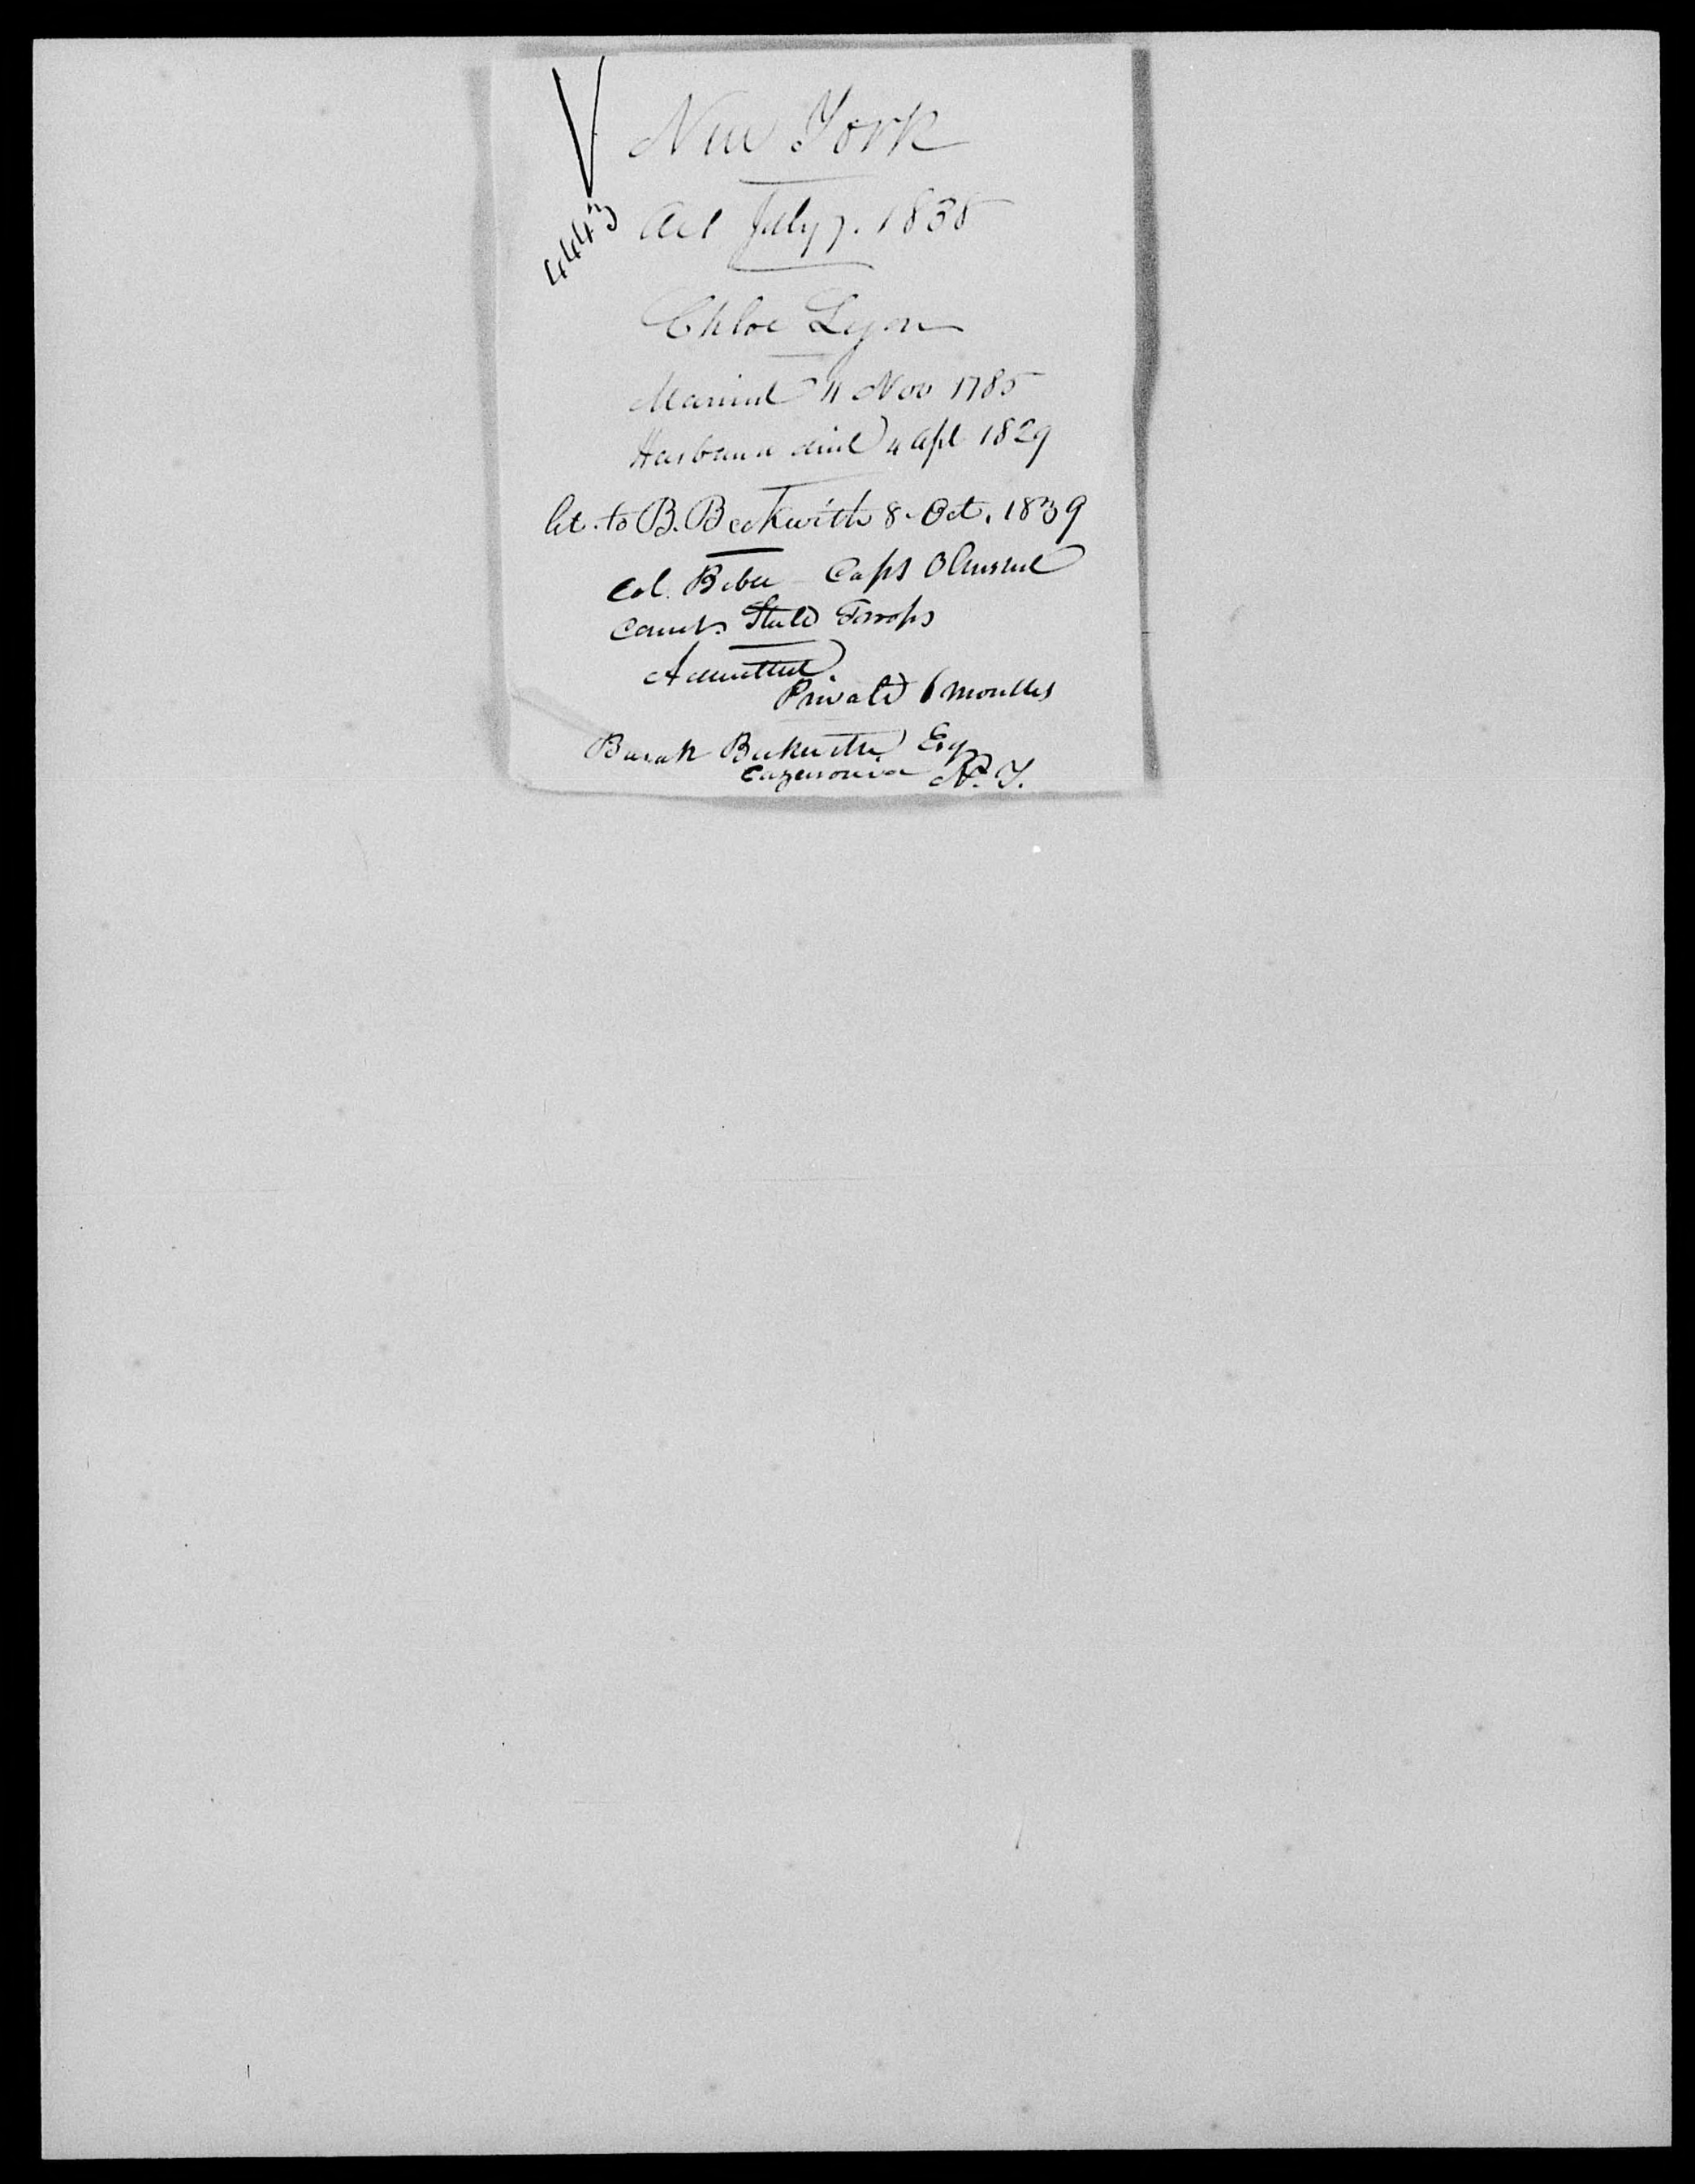New York
4443
Act July 7. 1838
Chloe Lyon
Married 11 Nov 1785
Husband died 4 Apl 1829
let. to B. Beckwith 8-Oct. 1839
Col. Bebee Capt Olmsted
Connt State Troops
Admitted
Private 6 months
Barak Beckwith Esq
Cazenovia N.Y.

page: 14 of 40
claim: widow's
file: W. 24,615, for Ebenezer Lyon, Connecticut